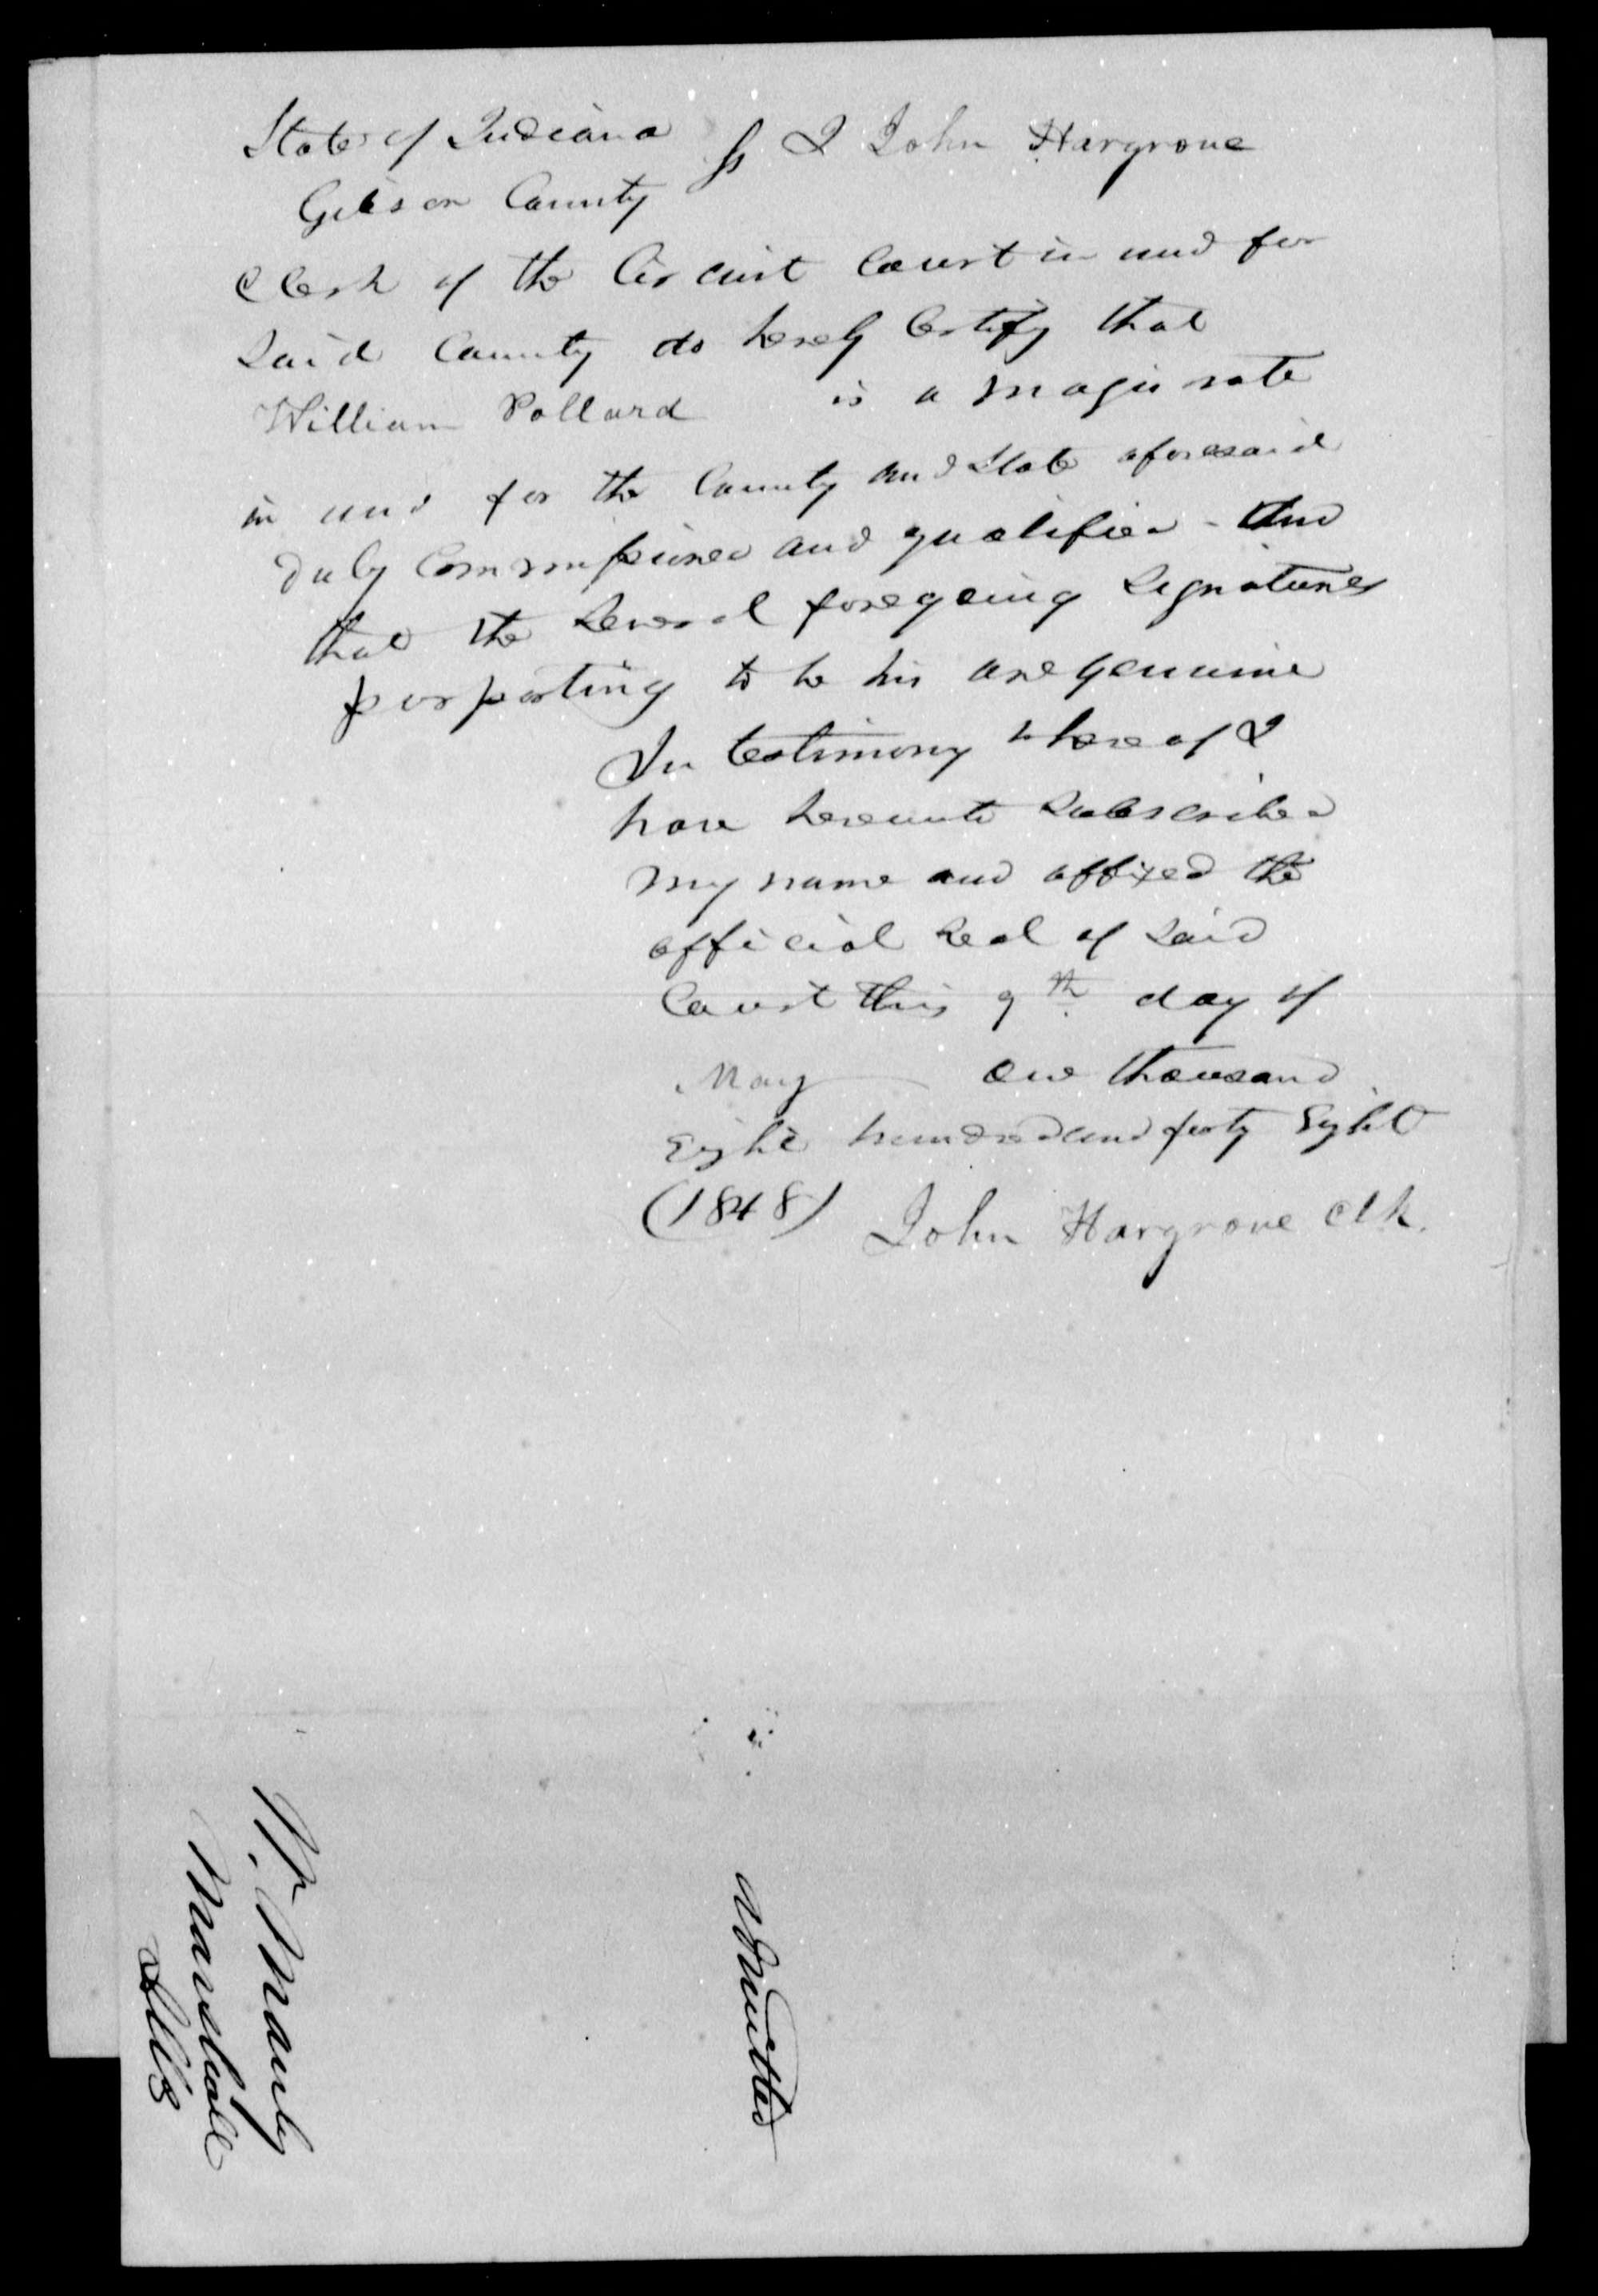State of Indiana
Gibson County Ss
I John Hargrove Clerk of the Circuit Court in and for said County do hereby certify that William Pollard is a magistrate in and for the County and State aforesaid duly commissioned and qualified and that the several foregoing signatures purporting to be his are genuine.
In testimony whereof I have hereunto subscribed my name and affixed the official seal of said Court this 9th day of May one thousand eight hundred and forty eight (1848)
John Hargrove Clk.



admitted

U. Manly
Marshall Ills.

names: William Pollard; John Hargrove; John Hargrove; W Manly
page: 44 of 57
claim: widow's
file: W. 9,622, for Aaron Redman, Virginia